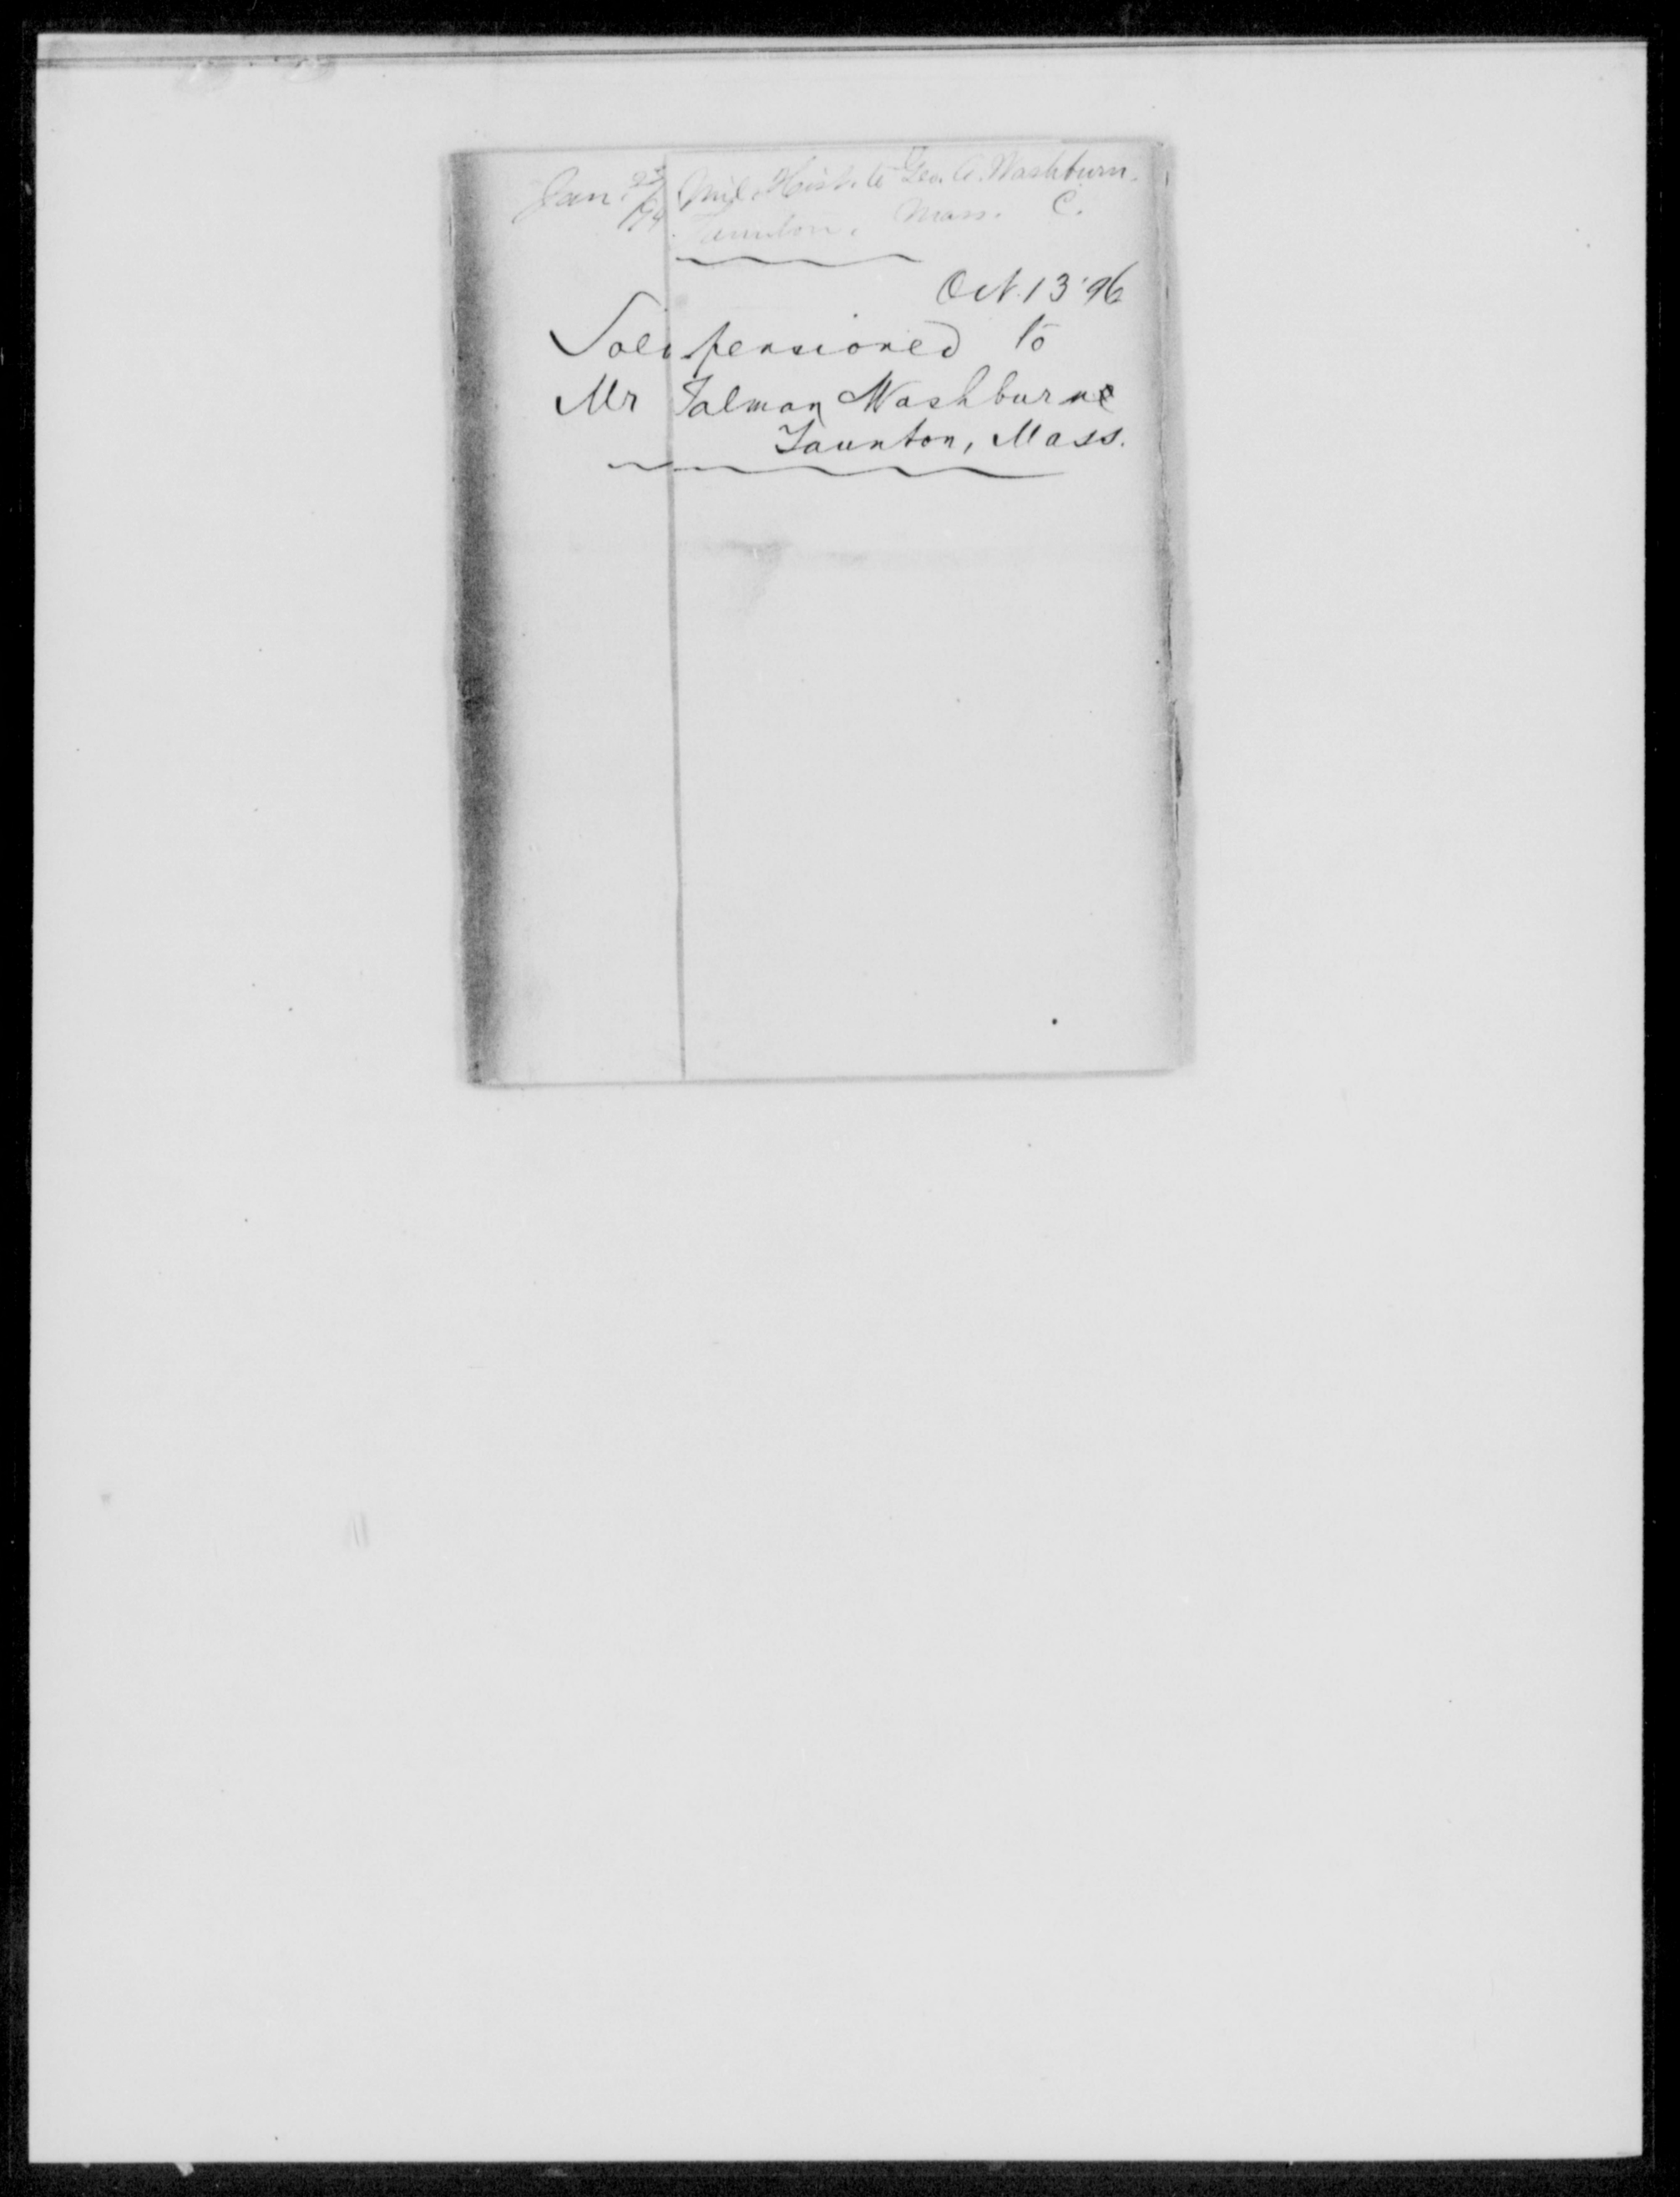Jan. 23/94 Mil Hist. to Geo A. Washburn
  Taunton, Mass.    C.

Oct 13’ 96

Told pensioned to Mr Tasman Washburn
             Taunton, Mass.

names: E Washburn, Talman Washburn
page: 21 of 34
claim: widow's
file: W. 1677, Isaac Washburn, Mass.